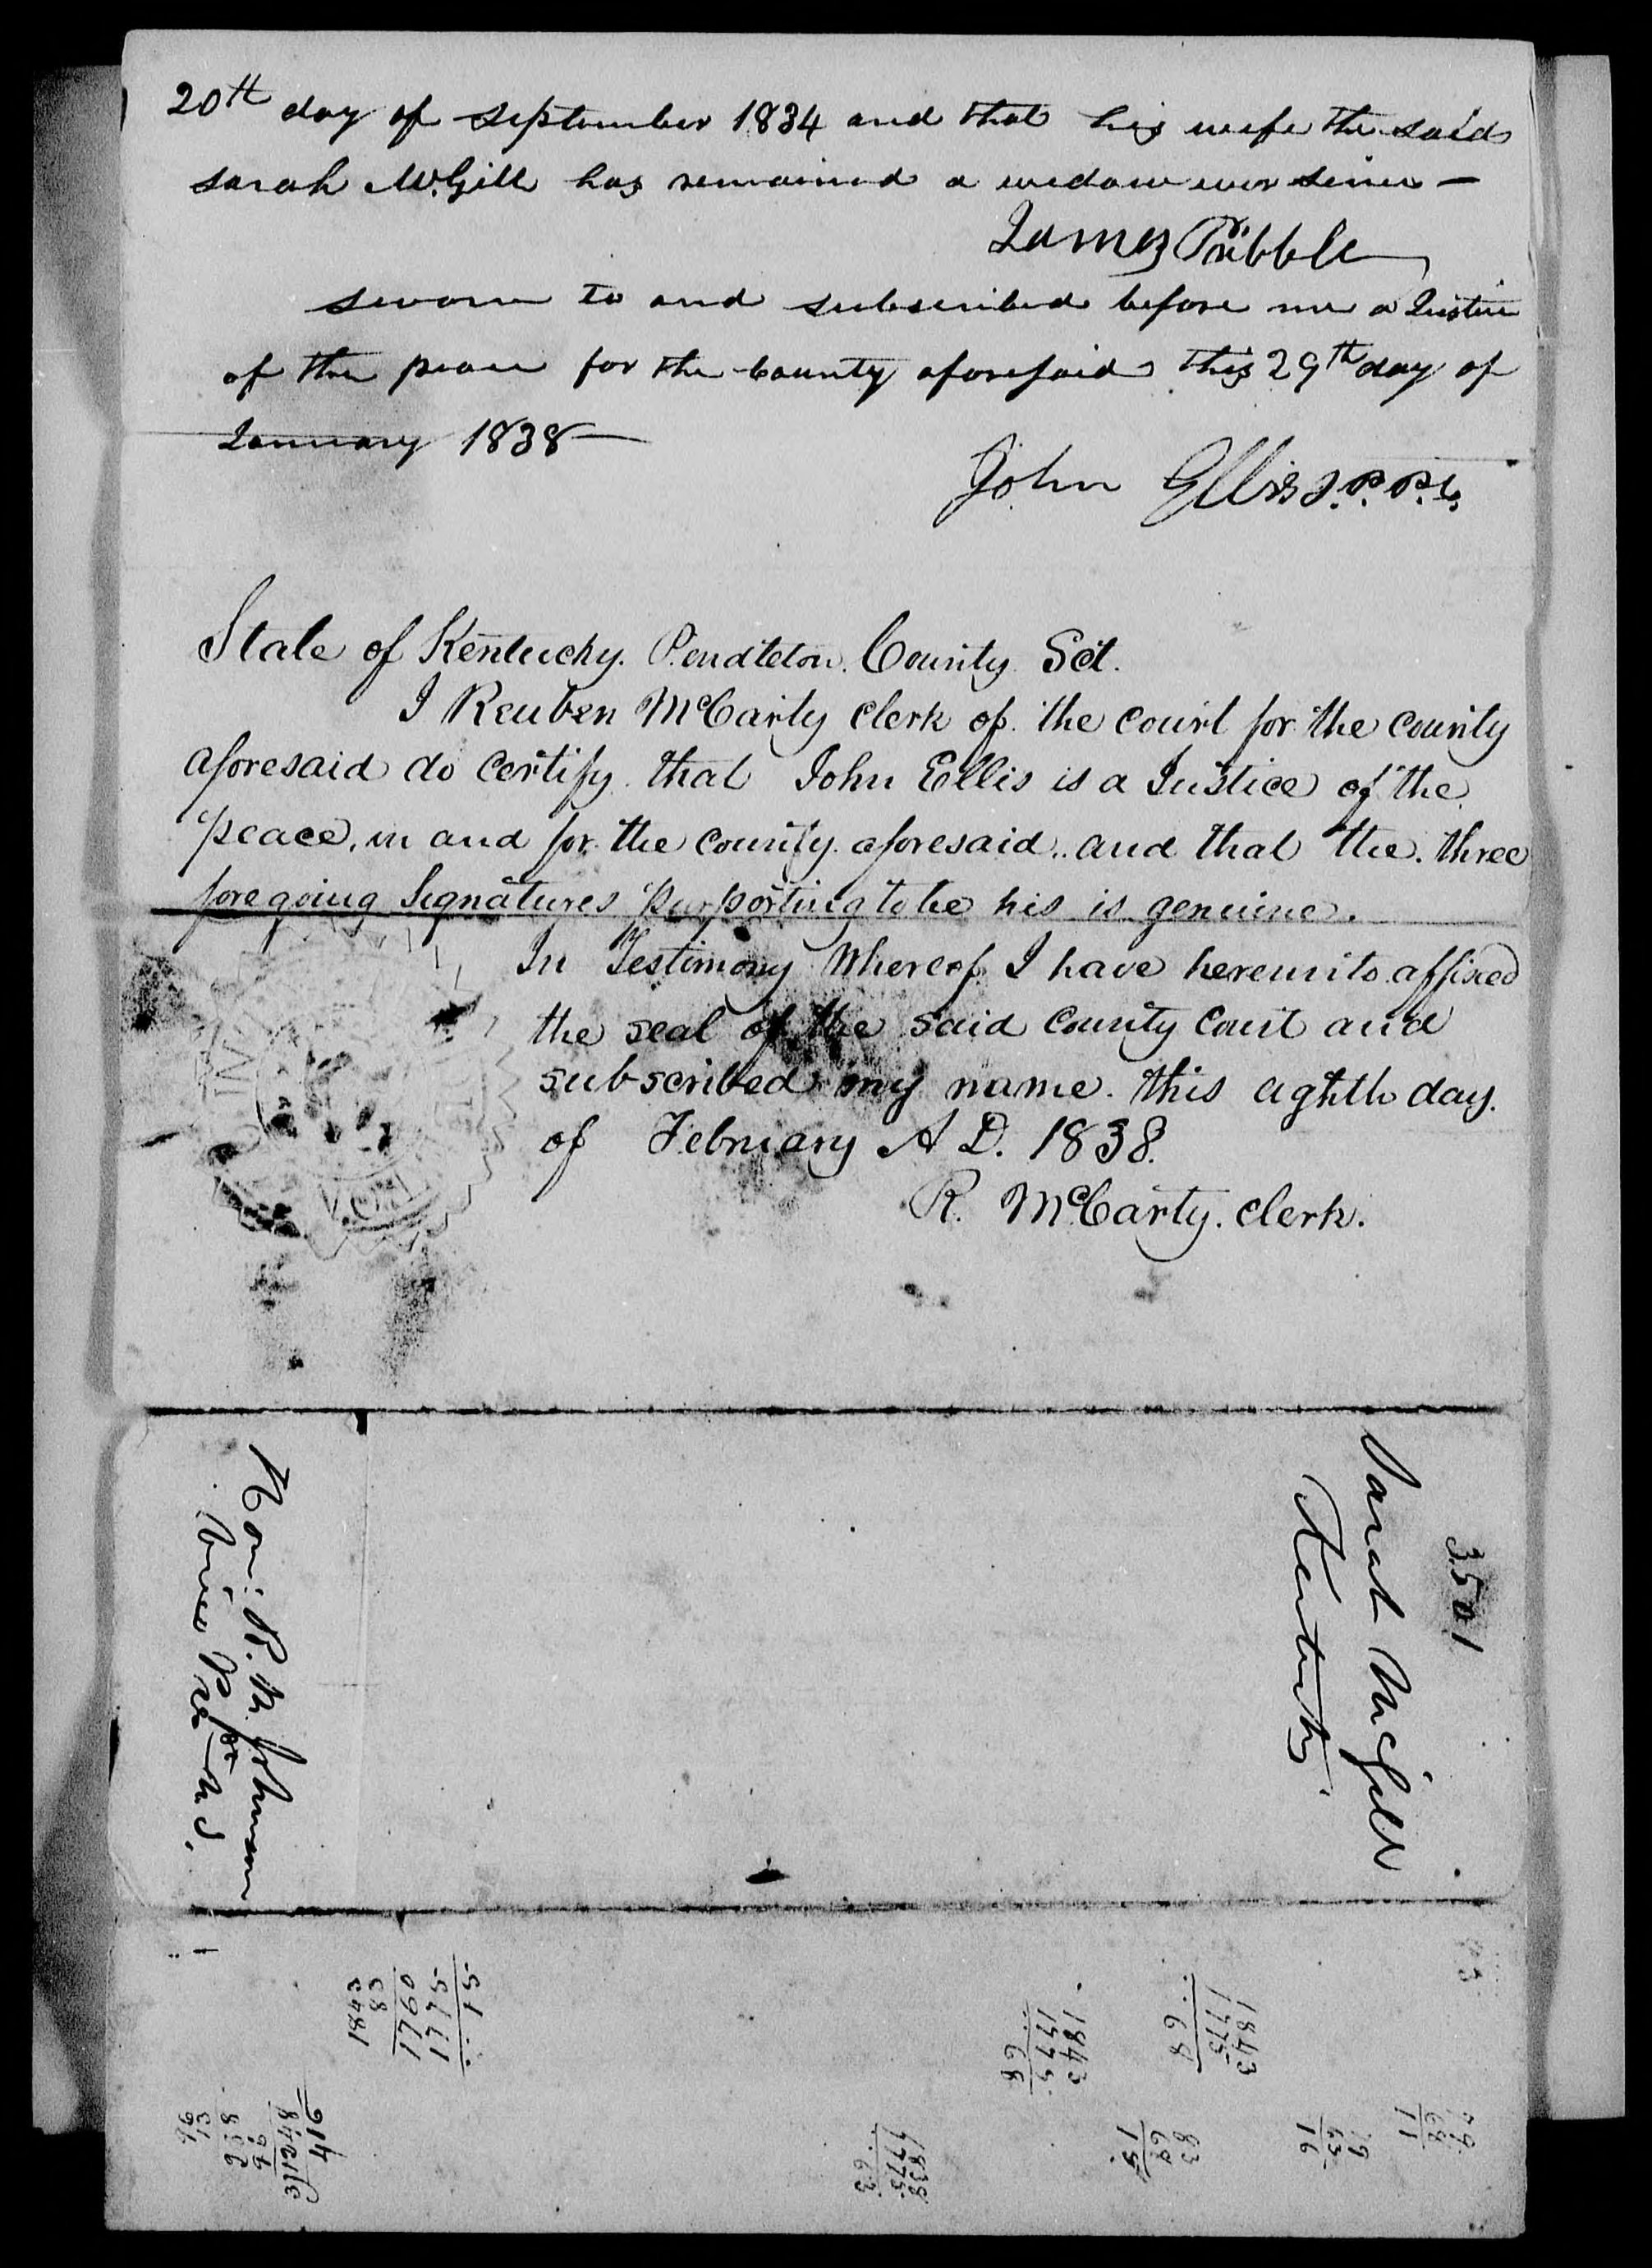image 72  (# 4160873_00072)         
Fold3 File #23857239

20th day of september 1834 and that his wife the said Sarah McGill has remained a widow ever since --                 James Pribble
sworn to and subscribed before me a Justice of the peace for the county aforesaid this 29th day of January 1838 --         John Ellis  J.P.P.C.
State of Kentucky. Pendleton County. Sct.

I Reuben McCarty clerk of the court for the county aforesaid do certify that John Ellis is a Justice of the peace in and for the county aforesaid and that the three foregoing Signatures purporting to be his is  [are] genuine.
In Testimony whereof I have hereunto affixed the seal of the said county court and subscribed my name this eighth day of February A.D. 1838.   
[Seal Pendleton County]            R. McCarty. clerk

[Cover]
Sarah McGill  Kentucky
Hon R. M. Johnson [illegible] Pres __ __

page: 15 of 71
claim: widow's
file: W. 8428, for James Mc Gill, Pennsylvania